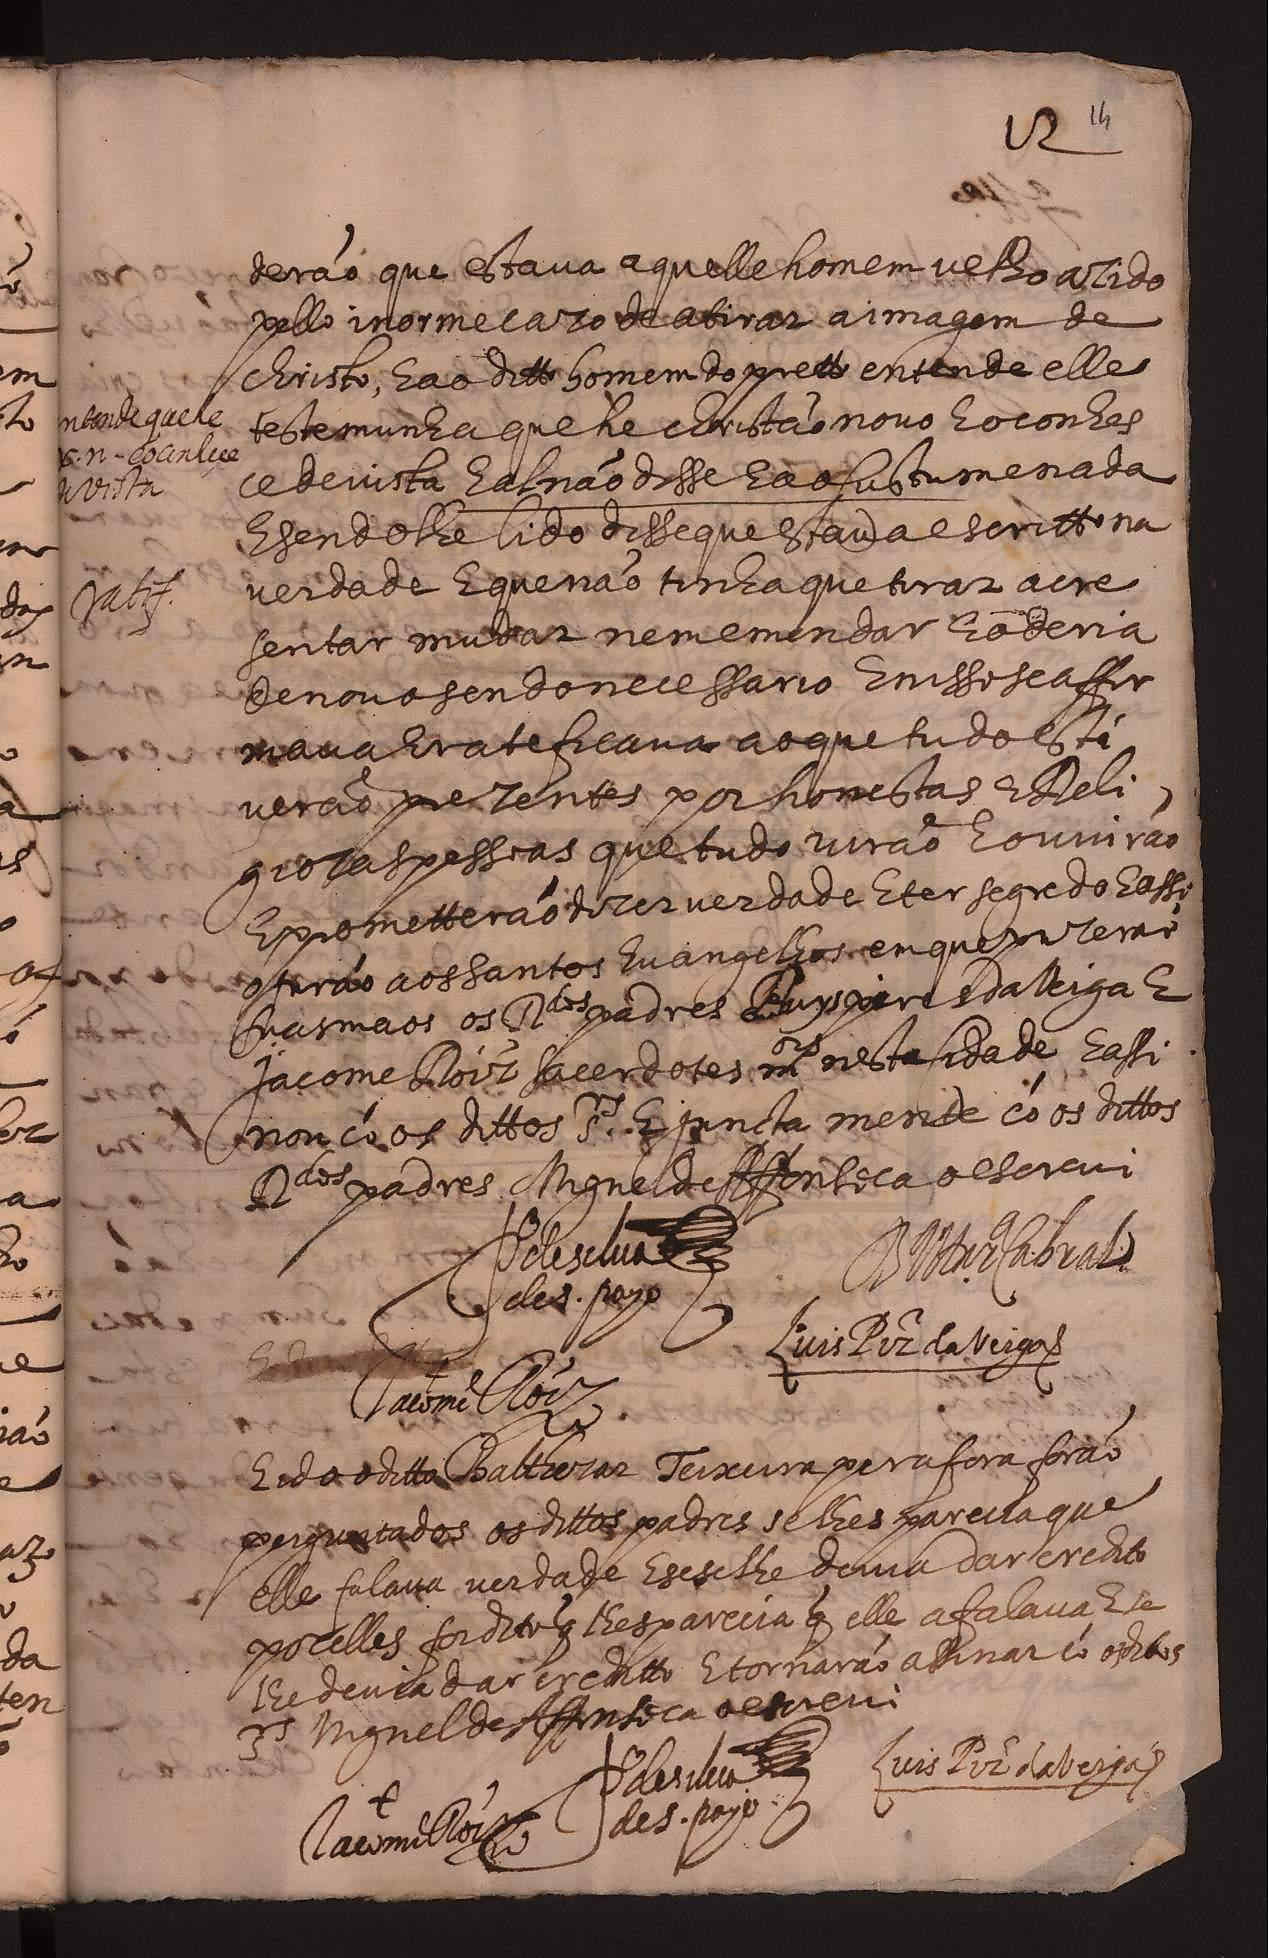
12
deraõ que estaua aquelle homem uelho azido
pello inorme cazo de atirar a imagem de
christo, E ao ditto homem do pretto entende elle
ntende que he
x. n. e o conheçe
de vista
testemunha que he christaõ nouo E o conhes
ce de uista E al naõ disse E ao Custume nada
E sendolhe lido disse que estaua escritto na
uerdade E que naõ tinha que tirar a cre
ratif.
sentar mudar nem emendar E o desia
de nouo sendo necessario E nisso se affir
maua e rateficaua ao que tudo esti
ueraõ prezentes por honestas E Reli
giozas pessoas que tudo uiraõ E ouuirão
E prometteraõ dizer uerdade E ter segredo E assi
o foraõ aos Santos Euangelhos em que puzeraõ
suas maos os Rdos padres Ruy pires da Veiga E
Jacome Roiz̄ sacerdotes mors nesta Cidade E assi
nou cō os dittos srs. E junctamente cō os dittos
Rdos padres Miguel de Affonseca o escreui
Po de silua
de s. payo
Bar txra Cabral
Luis Piz̄ da veiga
Iacome Roīz
E ido o ditto Balthezar Teixeira pera fora foraõ
perguntados os dittos padres se lhes parecia que
elle falaua uerdade E se se lhe deuia dar credito
por elles foi dito q̄ lhes parecia q̄ elle a falaua E se
lhe deuia dar creditto e tornaraõ assinar cō os ditos
srs miguel de Affonseca o escreui
Luis Piz̄ da veiga
Po de silua
de s. payo
Iacome Roīz
